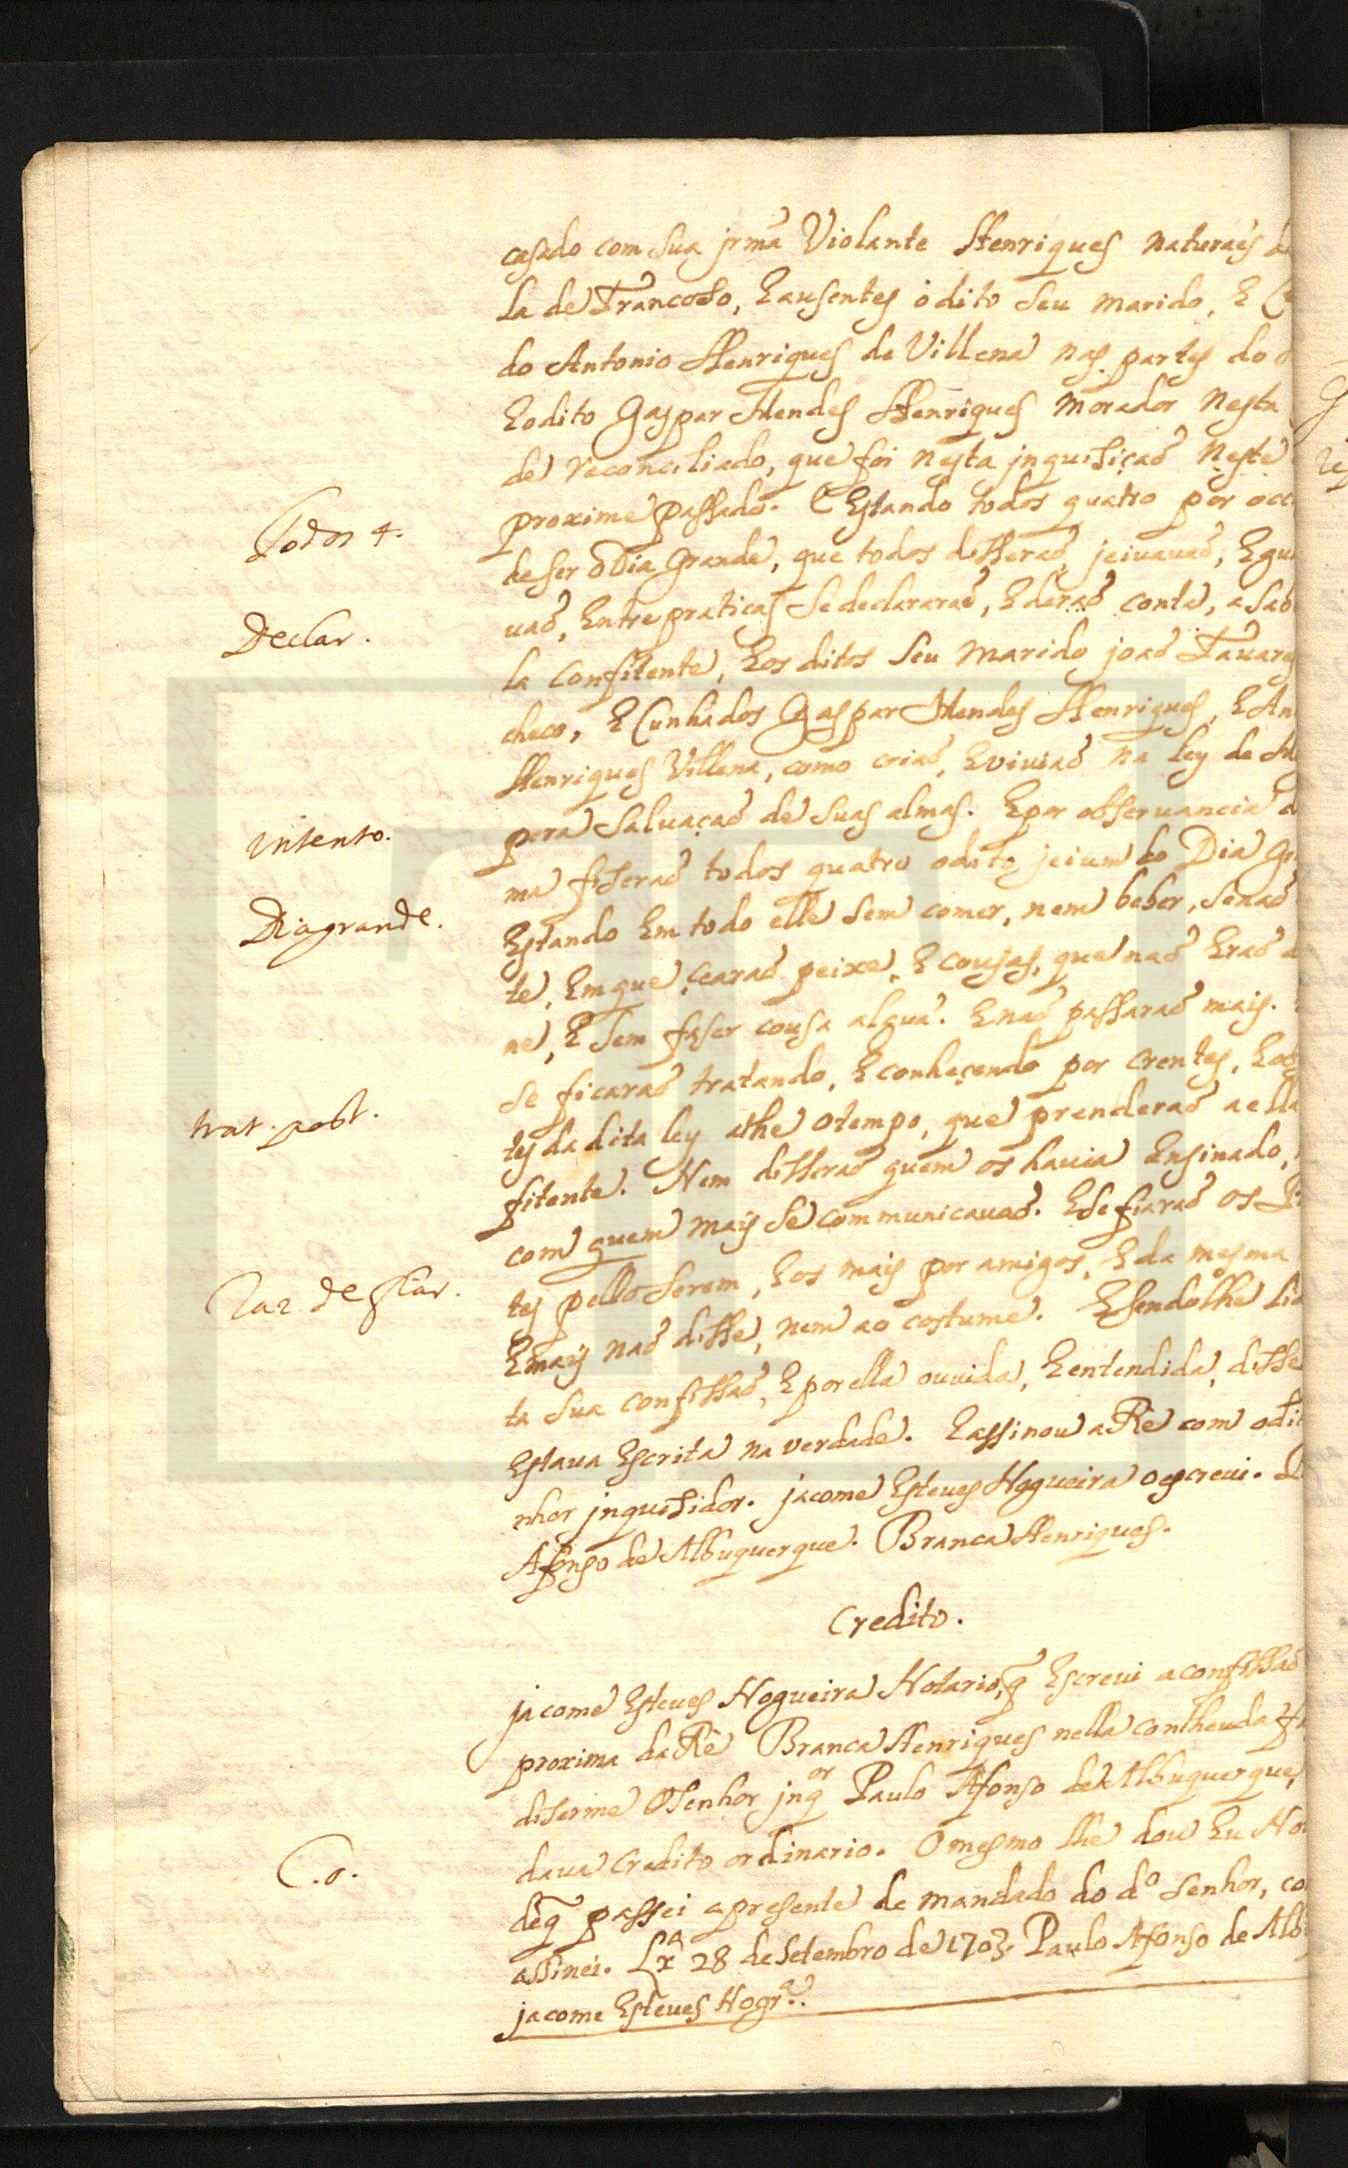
casado com sua jrmã Violante Henriques naturaes d
La de Trancoso, E ausentes o dito seu marido, E C
do Antonio Henriques da Villena nas partes do
E o dito Gaspar Mendes Henriques morador nesta
de reconciliado, que foi nesta jnquisiçaõ neste
proxime passado. E Estando todos quatro por occ
Todos 4.
de ser o dia Grande, que todos disseraõ jeiuauaõ, E gu
uaõ, Entre praticas se declararaõ, E deraõ conta, e sab
Declar.
la confitente, E os ditos seu marido joaõ Tauares
checo, E Cunhados Gaspar Mendes Henriques, E An
Henriques Villena, como criaõ, E viuiaõ na Ley de
pera Saluaçaõ de suas almas. E por obseruancia d
intento.
ma fiseraõ todos quatro o dito jeium do Dia Gr
Estando Em todo elle sem comer, nem beber, senaõ
Dia grande.
te, Em que Cearaõ peixe, E cousas, que naõ Eraõ d
ne, E sam faser cousa alguā. E naõ passaraõ mais.
se ficaraõ tratando, E conhecendo por crentes, E ob
tes da dita ley athe o tempo, que prenderaõ a ella
trat post.
fitente. Nem disseraõ quem os hauia Ensinado,
com quem mais se communicauaõ. E se fiaraõ os
tas pello serem, E os mais por amigos, E da mesma
Raz de fiar.
E mais naõ disse, nem ao costume. E sendolhe li
ta sua confissaõ, E por ella ouuida, E entendida, disse
Estaua Escrita na verdade. E assinou a Re com o di
nhor jnquisidor. jacome Esteues Nogueira o escreui.
Afonso de Albuquerque. Branca Henriques.
Credito.
jacome Esteues Nogueira Notario, q̄ Escreui a confissaõ
proxima da Re Branca Henriques nella contheudo f
diserme O Senhor jnqor Paulo Afonso de Albuquerque
daua credito ordinario. O mesmo lhe dou Eu No
C. o.
de q̄ passei a presente de mandado do do Senhor, co
assinei. Lxa 28 de Setembro de 1703. Paulo Afonso de Alb
jacome Esteues Nogr.a.
